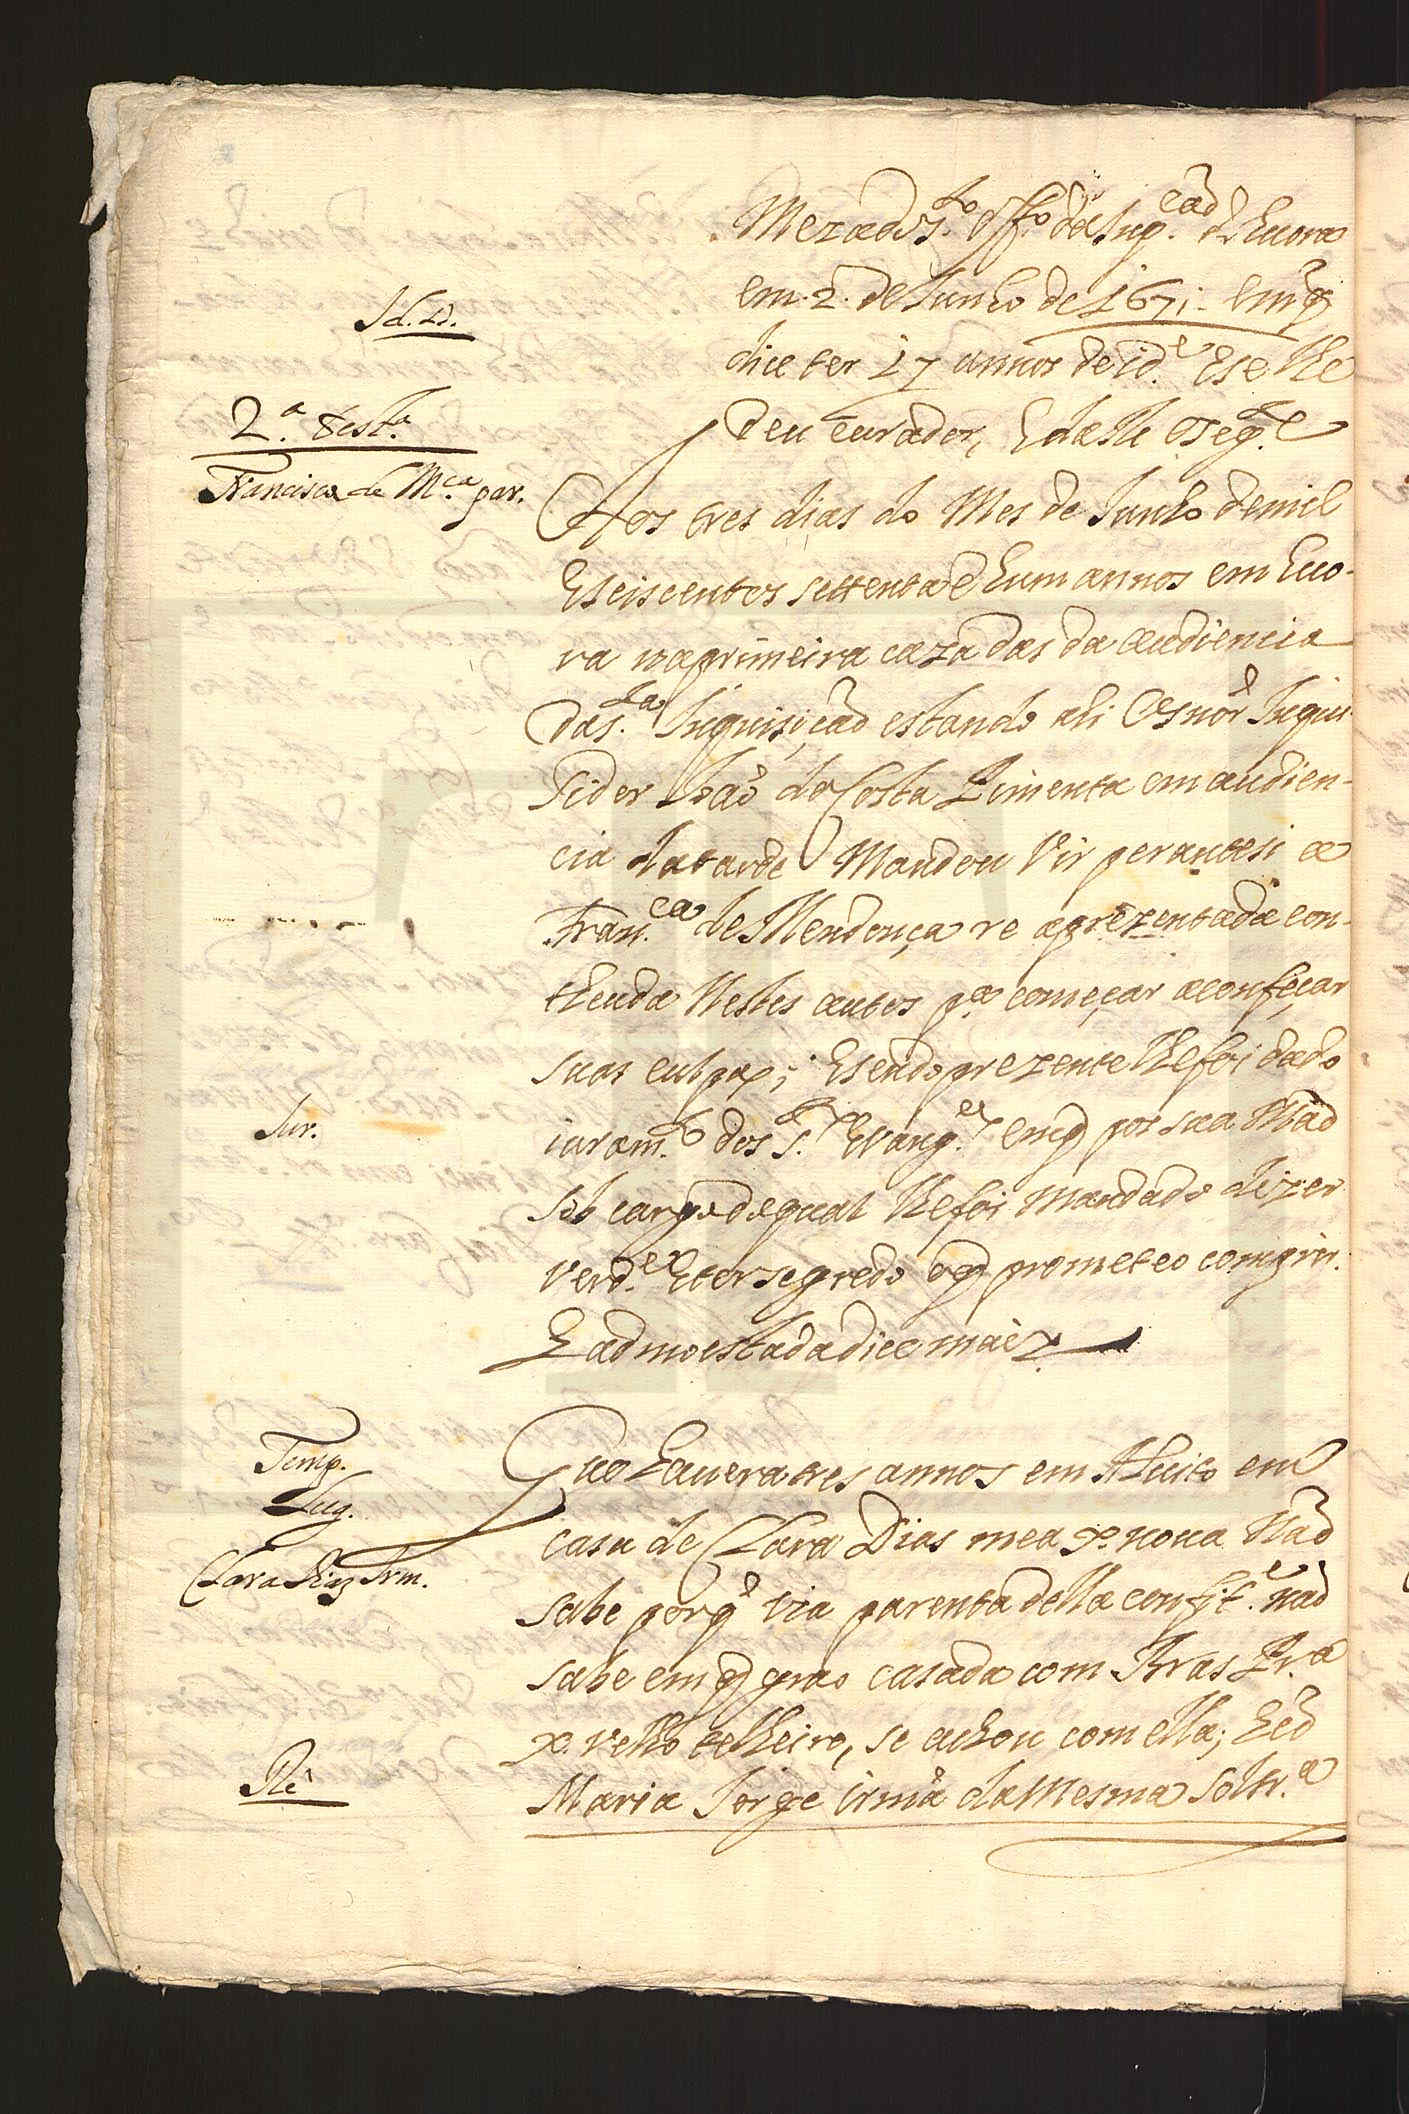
Meza do s.to off.o da Inq.ção de Euora
em .2. de Iunho de 167i: em q̄
Id. 17.
dice ter i7 annos de id.e E se lhe
2.a test.a
Francisca de M.ca par.
deu curador, E da Re o seg.te
Aos tres dias do mes de Iunho de mil
E seiscentos settenta e hum annos em Euo
ra na primeira caza das da audiencia
da s.ta Inquisição estando ahi O Sn̄or Inqui
sidor Ioaõ da Costa Pimenta em audien
cia da tarde Mandou Vir perante si a
Fran.ca de Mendonça re aprezentada con
theuda nestes autos p.a começar a confeçar
suas culpas; E sendo prezente lhe foi dado
iuram.to dos s.tos Evang.os em q̄ pos sua Mão
Iur.
sob cargo do qual lhe foi mandado dizer
Verd.e E ter segredo o q̄ prometeo comprir.
E admoestada dice maiz
Temp.
Lug.
Clara Diaz Irm.
Que hauera tres annos em Aluito em
casa de Clara Dias mea x. noua naõ
sabe por q̄ via parenta della confit.e naõ
sabe em q̄ grao casada com Bras Pr.a
x. velho telheiro, se achou com ella; E cō
Maria Iorge irmã da mesma soltr.a
Rê
